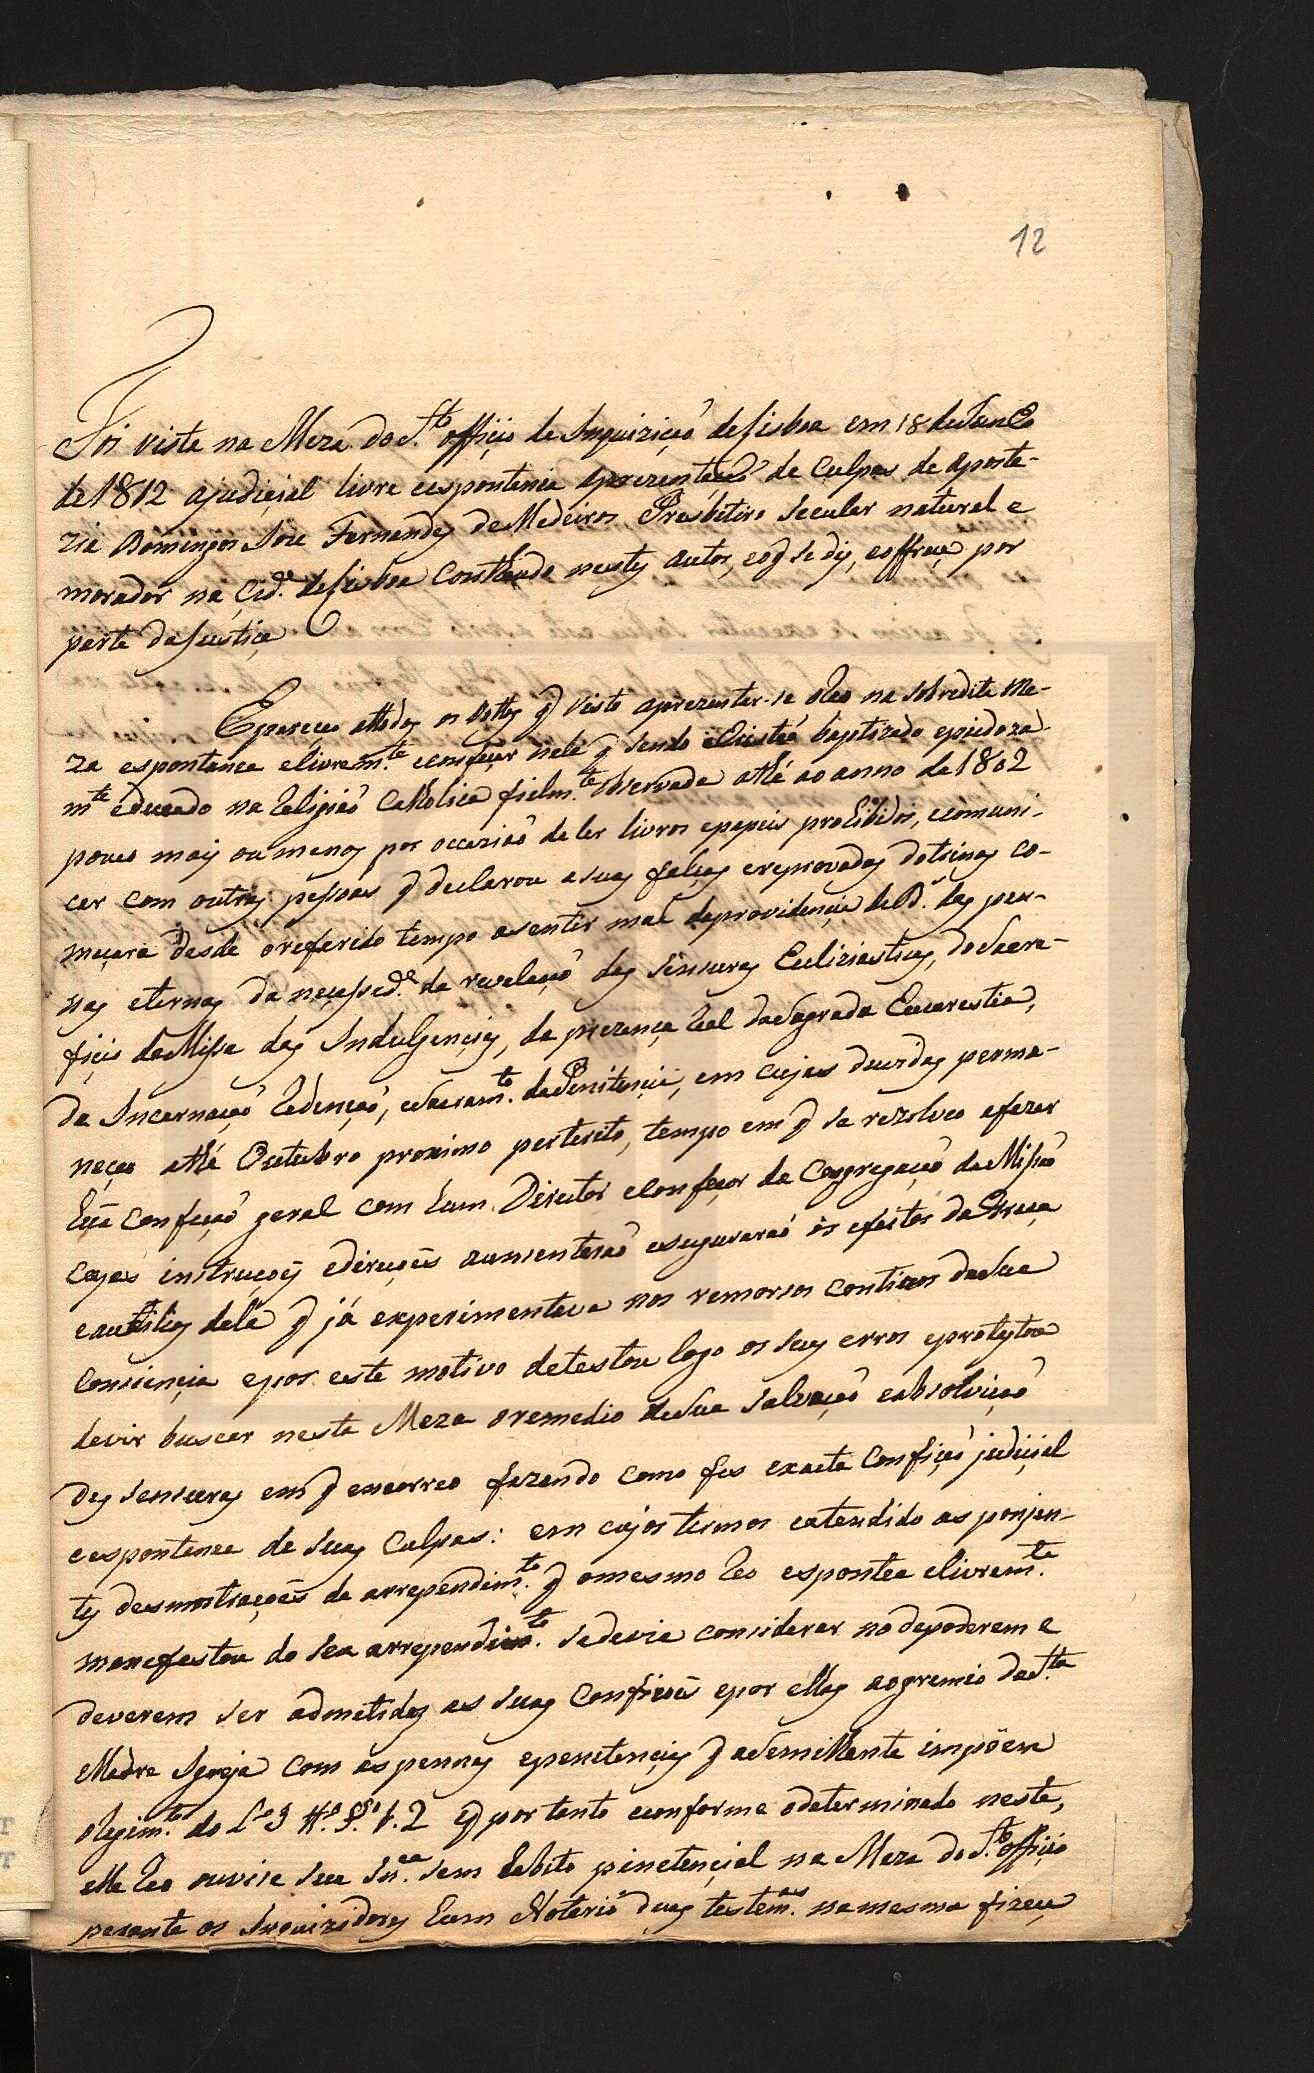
Foi vista na Meza do S.to officio de Inquiziçaõ de Lisboa em 18 de Iunho
de 1812 a judicial livre e espontania aprezentaçaõ de culpas de aposta
zia Domingos Ioze Fernandes de Medeiros Presbetiro secular natural e
morador na cid.e de Lisboa contheudo nestes autos, e o q̄ se dis, e offrece por
parte da Justiça
E pareceo a todos os vottos q̄ visto aprezentar-se o Reo na sobredita me
za espontanea e livrem.te e confeçar nela q̄ sendo christaõ baptizado e piedoza
m.te educado na Religiaõ Catholica fielm.te observada athé ao anno de 1802
pouco mais ou menos por occaziaõ de ler livros e papeis prohibidos, e comuni
car com outras pessoas q̄ declarou a suas falças e reprovadas dotrinas co
meçara desde o referido tempo a sentir mal da providencia de D.s das pen
nas eternas da necessed.e de revelaçaõ das sensuras Eccliziasticas, do Sacre
ficio da Missa das Indulgencias, da prezença Real da Sagrada Eucarestia,
de Incarnaçaõ Redençaõ, e Sacram.to da Penitencia, em cujas duvidas perma
neceo athé Outubro proximo perterito, tempo em q̄ se rezolveo a fazer
huā confiçaõ geral com hum Director e confeçor da Congregaçaõ da Missaõ
cujas instruçoẽs e direçoẽs aumentaraõ e seguraraõ os efeitos da Graça
e au_ilios dela q̄ já experimentava nos remorsos continos da Sua
consiencia e por este motivo detestou logo os seus erros e protestou
de vir buscar nesta Meza o remedio de sua salvaçaõ e absolviçaõ
das sensuras em q̄ encorreo fazendo como fes exacta confiçaõ judicial
e espontanae de suas culpas: em cujos termos, e atendido as ponjen
tes desmostraçoẽs de arrependim.to q̄ o mesmo Reo espontea e livrem.te
manefestou do seu arrependim.to se devia considerar no de poderem, e
deverem ser admetidas as suas confiçoẽs e por ellas ao gremio da s.ta
Madre Igreja com as pennas e penitencias q̄ a Semilhante impõem
o Regim.to do L.o I tt.o §.o 1.2 e q̄ portanto e conforme o determinado neste,
elle Reo ouvise sua sen.ca sem habito penetencial na Meza do S.to officio
perante os Inquizidores hum Notario duas testem.as na mesma fizece
